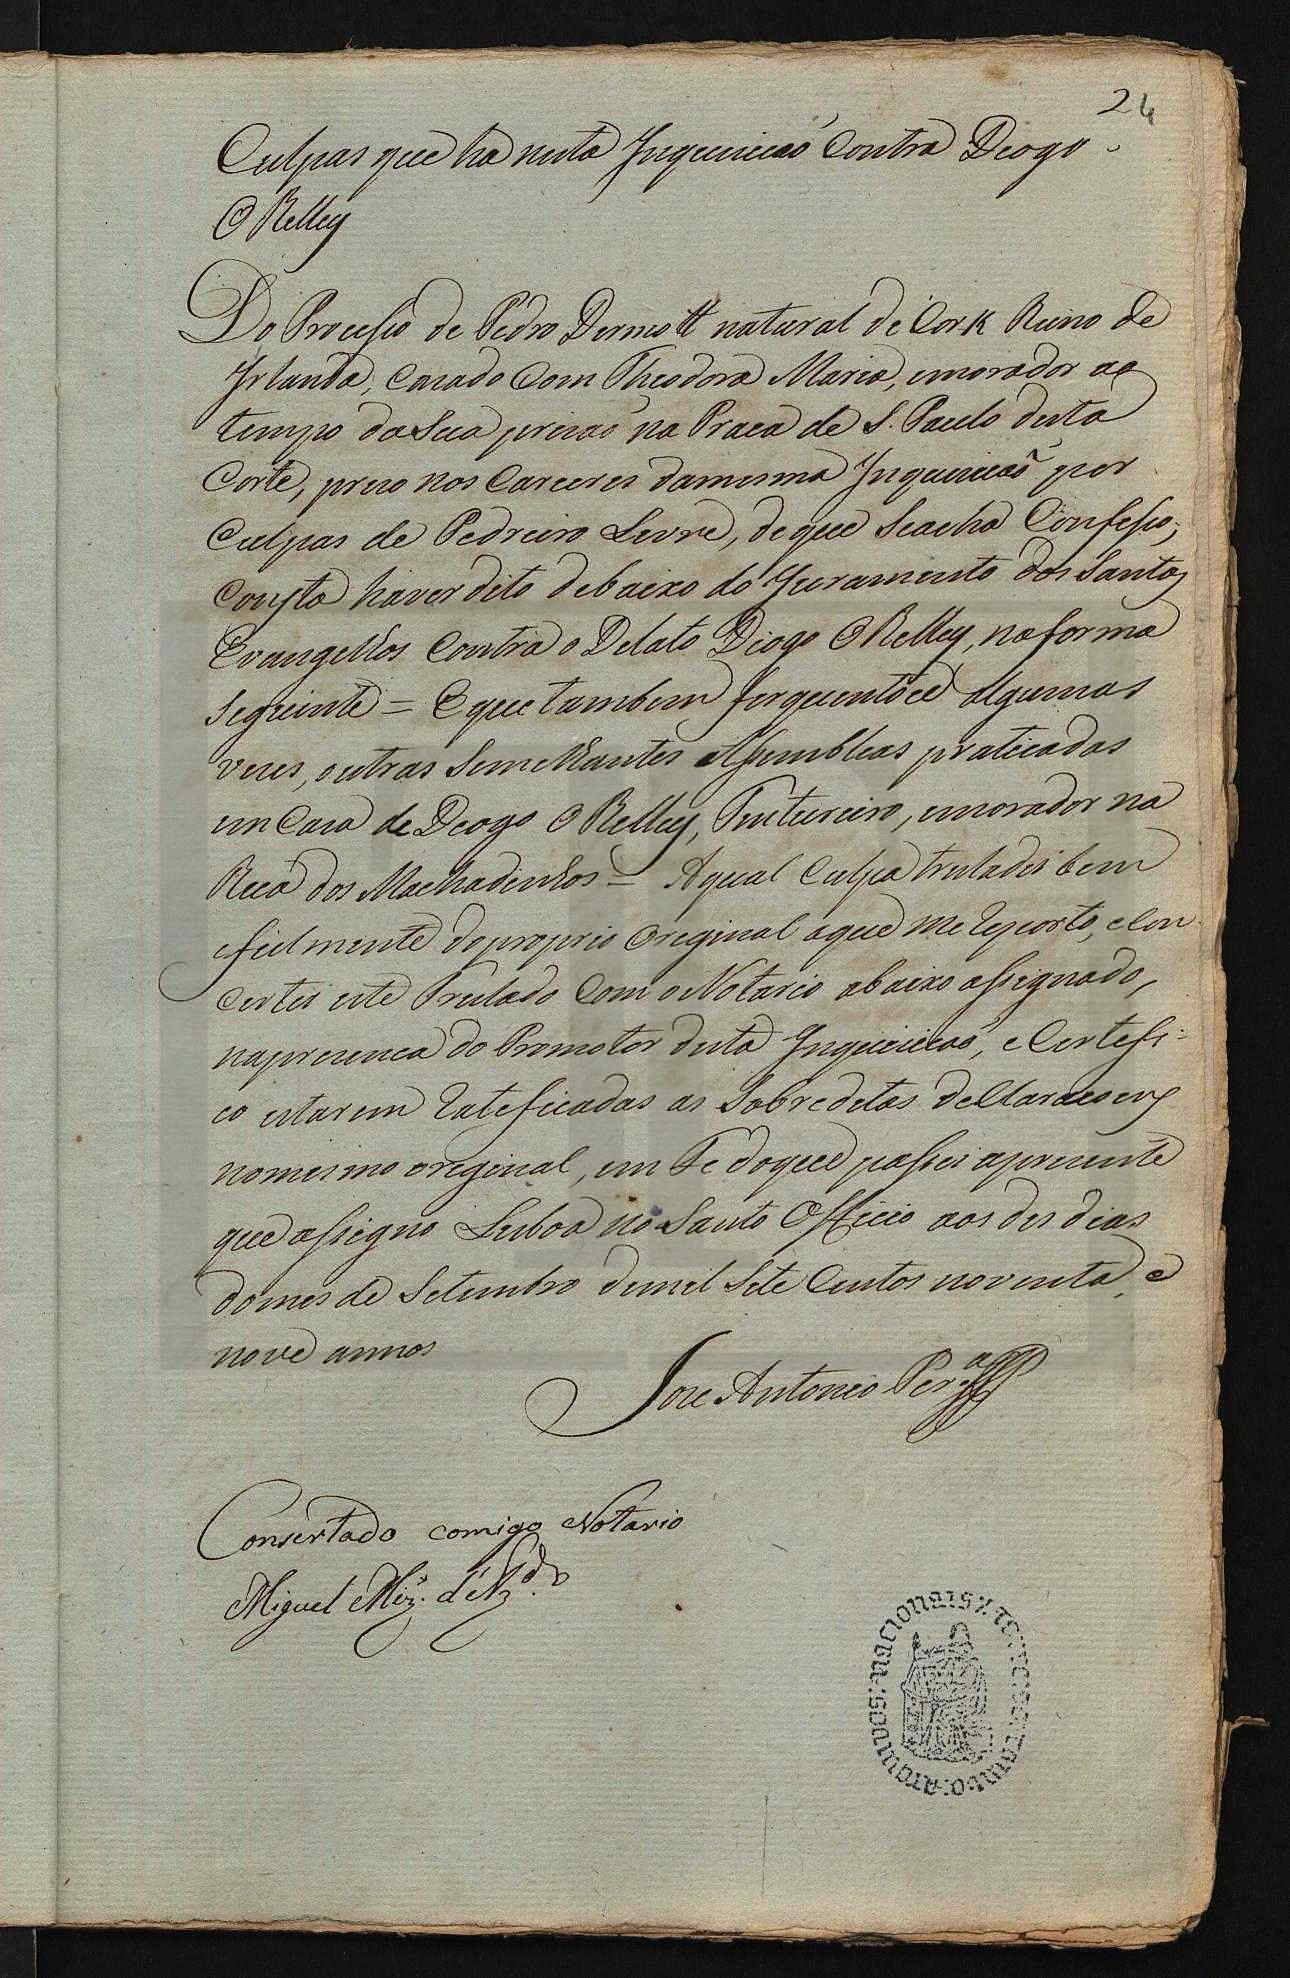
Culpas que ha nesta Jnquisicaõ Contra Diogo
ORelley
Do Processo de Pedro Dermes tt natural de Cork Reino de
Jrlanda, cazado Com Theodora Maria, e morador ao
tempo da Sua prisaõ na Praca de S. Paulo desta
Corte, preso nos Carceres da mesma Jnquisicaõ por
Culpas de Pedreiro Livre, de que Seacha Confesso,
Consta haver dito debaixo do Juramento dos Santos
Evangelhos Contra o Delato Diogo ORelley, na forma
seguinte = E que tambem ferquentou algumas
veses, outras Semelhantes Assembleas praticadas
em Caza de Deogo O Relley, Tentureiro, e morador na
Rua dos Machadinhos= A qual Culpa tresladei bem
e fielmente do proprio oreginal a que me Reporto, e con
certei este Treslado Com o Notario abaixo assignado,
na prezenca do Promotor desta Jnquisicaõ, e Certefi
co estarem Rateficadas as Sobredetas deClaracoens
no mesmo oreginal, em Fe do que passei a prezente
que assigno Lesboa no Santo Officio aos des dias
do mes de Setembro de mil SeteCentos noventa e
nove annos
Joze Antonio Per.a
Consertado comigo Notario
Miguel Miz̄ d'Az.do
